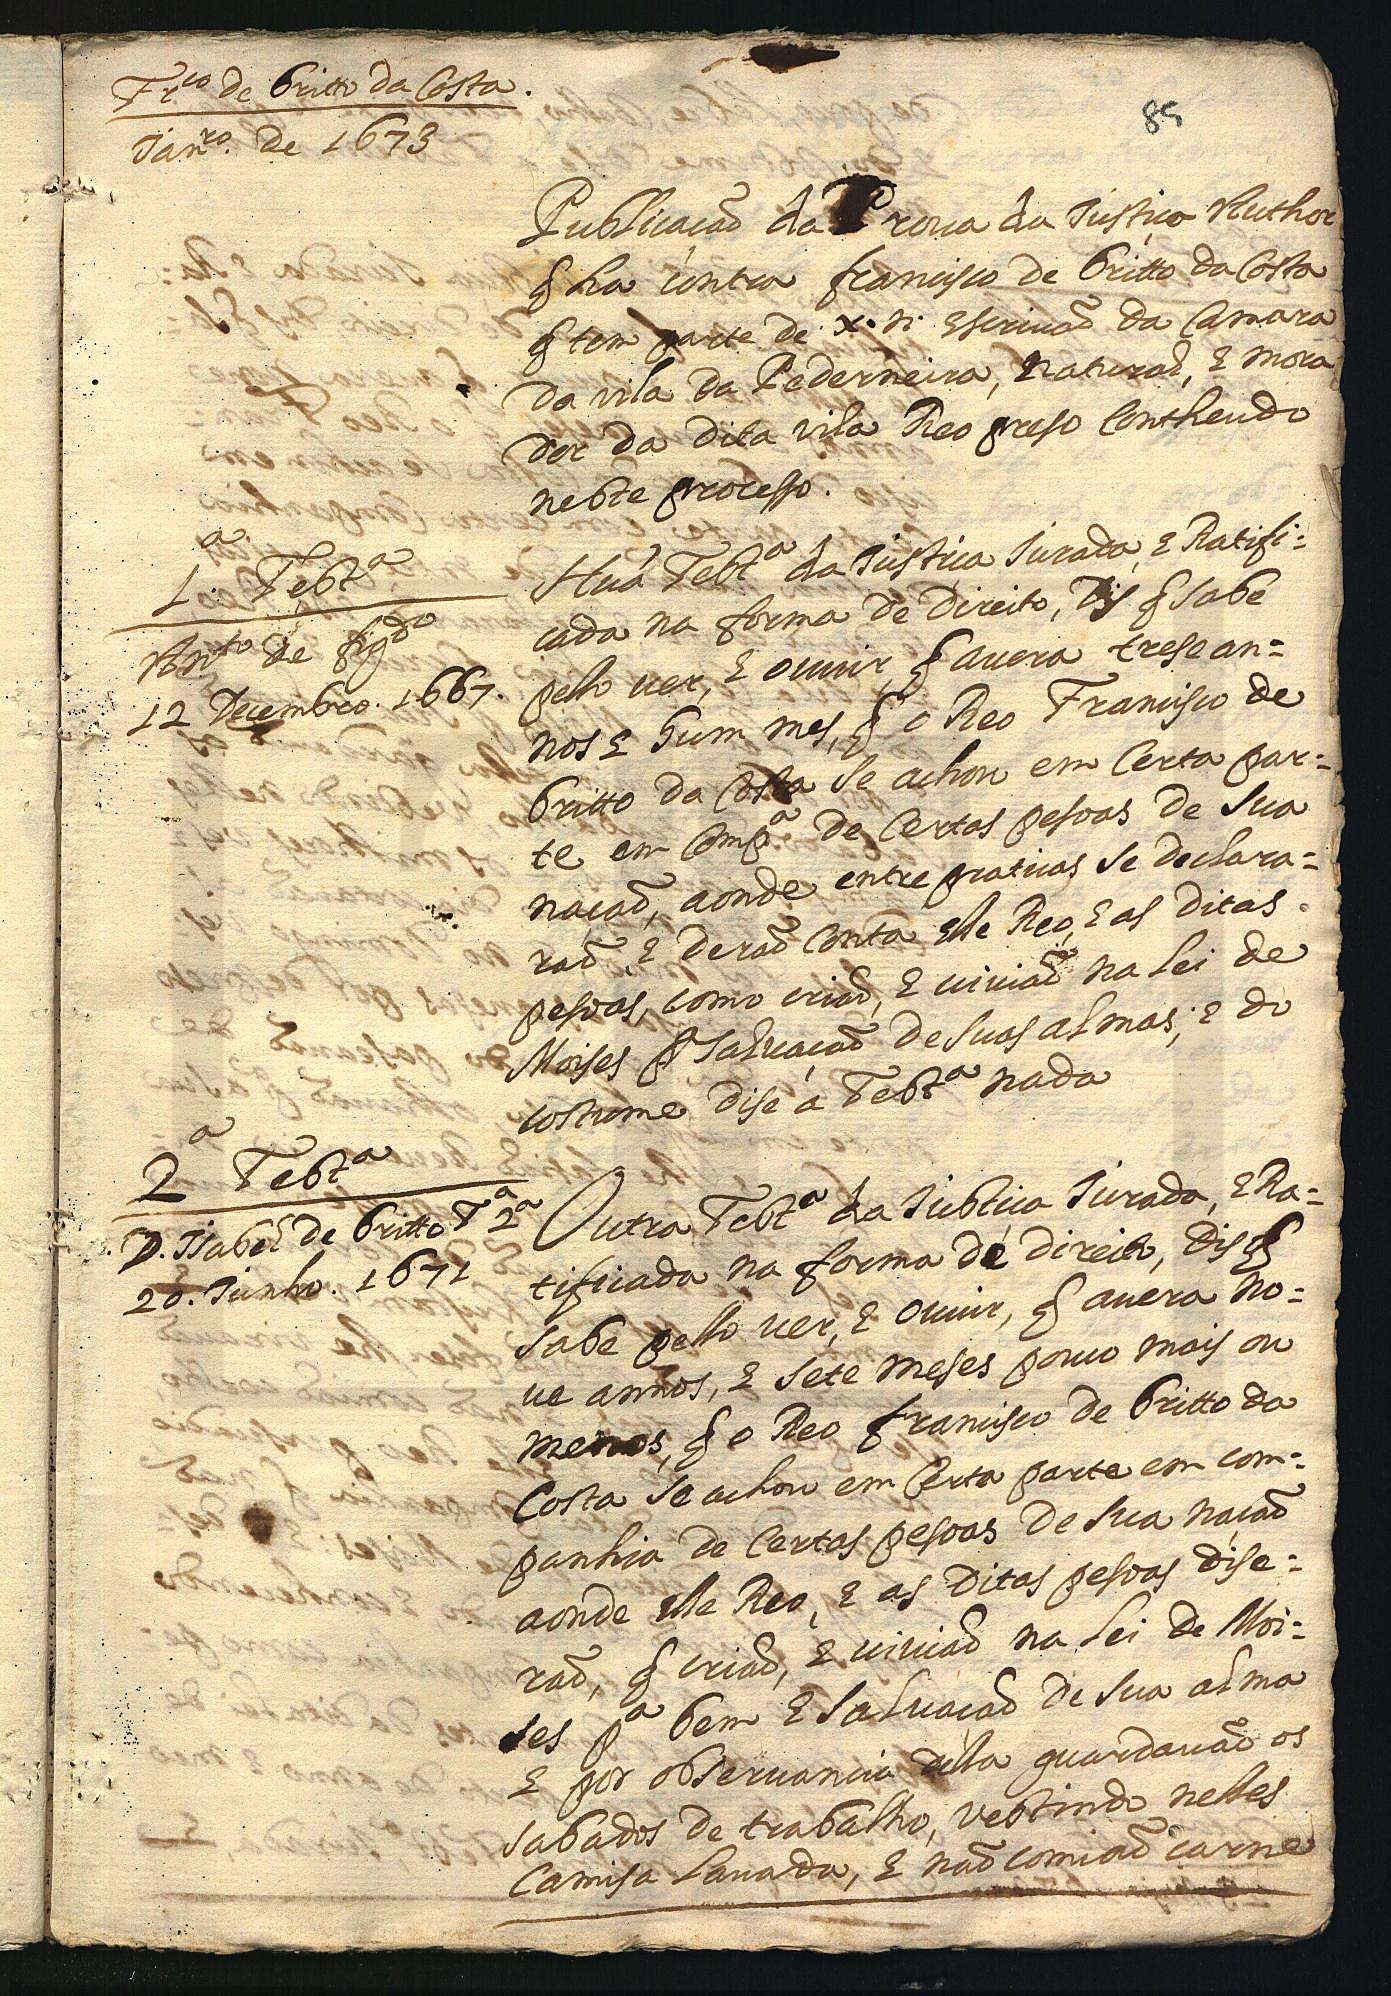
Frco de britto da Costa.
Ian.ro de 1673
Publicação da Proua da Iustiça Author
q̄ ha contra francisco de britto da Costa
q̄ tem parte de x. n. Escriuaõ da Camara
da vila da Pederneira, natural, E mora
dor da dita vila Reo preso contheudo
neste processo.
1.a Testa
Anto de figdo
12 Decembro 1667
Huā Testa da Iustiça Iurada, E Ratifi
cada na forma de Direito, Dis q̄ sabe
pello uer, e ouuir q̄ auera trese an
nos E hum mes, q̄ o Reo Francisco de
britto da costa se achou em Certa par
te em comp.a de certas pesoas de sua
naçaõ, aonde entre praticas se declara
raõ, E deraõ conta Elle Reo, E as ditas
pesoas, como criaõ, E uiuiaõ na lei de
Moises pa saluaçaõ de suas almas, E do
costume dise a Testa nada
2a Testa
D. Isabel de britto Ta 2a
20. Iunho. 1671
Outra testa da Iustiça Iurada, E Ra
tificada na forma de direito, Dis q̄
sabe pello uer, E ouuir, q̄ auera no
ue annos, E sete meses pouco mais ou
menos, q̄ o Reo francisco de britto da
Costa se achou em Certa parte em com
panhia de Certas pesoas de sua naçaõ
aonde Elle Reo, E as ditas pesoas dise
raõ, q̄ criaõ, E uiuiaõ na lei de Moi
ses pa bem E saluação de sua alma
E por obseruancia della guardauão os
sabados de trabalho, vestindo nelles
camisa lauada, E naõ comiaõ carne
